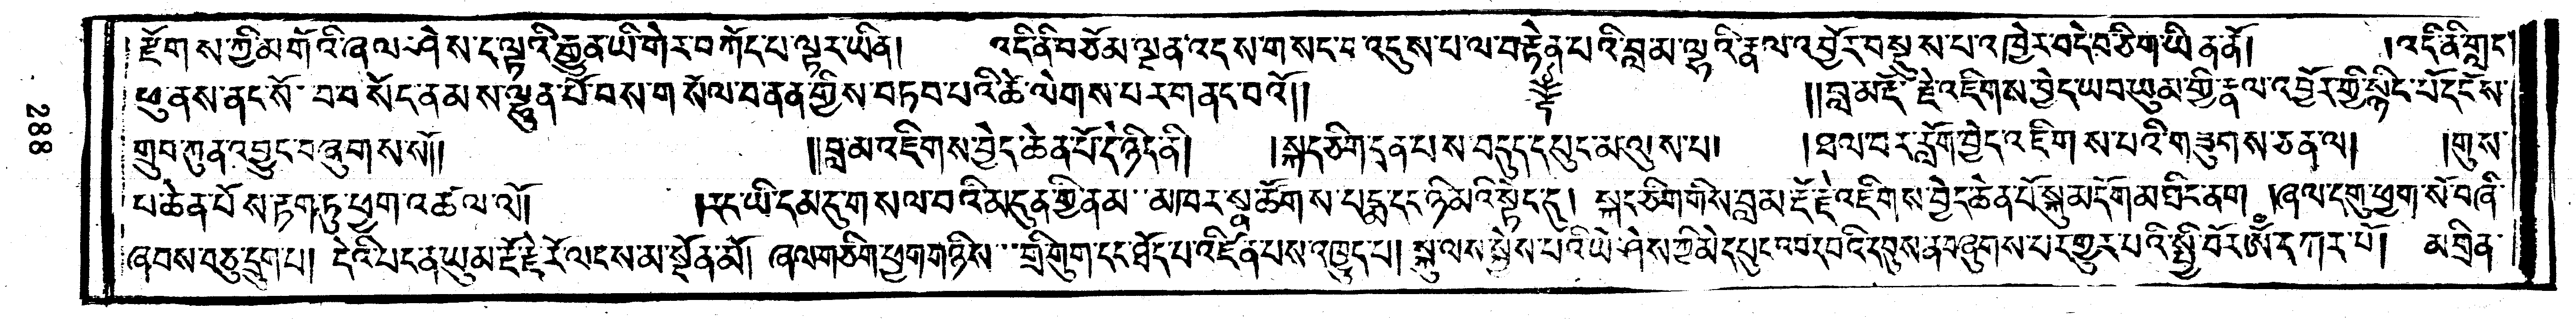རྫོགས་ཀྱི་མགོའི་ཞལ་ཤེས་ད་ལྟའི་རྒྱུན་ཡི་གེར་བཀོད་པ་ལྟར་ཡིན། འདི་ནི་བཅོམ་ལྡན་འདས་གསང་བ་འདུས་པ་ལ་བརྟེན་པའི་བླ་མ་ལྷའི་རྣལ་འབྱོར་བསྡུས་པ་འཁྱེར་བདེ་བ་ཅིག་ཡིན་ནོ། །འདི་ནི་གླང་
ཕུ་ནས་ནང་སོ་བ་བསོད་ནམས་ལྷུན་པོ་བས་གསོལ་བ་ནན་གྱིས་བཏབ་པའི་ཚེ་ལེགས་པར་གནང་བའོ།། ༈ །།བླ་མ་རྡོ་རྗེ་འཇིགས་བྱེད་ཡབ་ཡུམ་གྱི་རྣལ་འབྱོར་གྱི་སྙིང་པོ་དངོས་
གྲུབ་ཀུན་འབྱུང་བཞུགས་སོ།། །།བླ་མ་འཇིགས་བྱེད་ཆེན་པོ་དེ་ཉིད་ནི། །སྐད་ཅིག་དྲན་པས་བདུད་དཔུང་མ་ལུས་པ། །ཐལ་བར་རློག་བྱེད་འཇིགས་པའི་གཟུགས་ཅན་ལ། །གུས་
པ་ཆེན་པོས་རྟག་ཏུ་ཕྱག་འཚལ་ལོ། །རང་ཡི་དམ་དུ་གསལ་བའི་མདུན་གྱི་ནམ་མཁར་སྣ་ཚོགས་པདམ་དང་ཉི་མའི་སྟེང་དུ། སྐད་ཅིག་གིས་བླ་མ་རྡོ་རྗེ་འཇིགས་བྱེད་ཆེན་པོ་སྐུ་མདོག་མཐིང་ནག །ཞལ་དགུ་ཕྱག་སོ་བཞི་
ཞབས་བཅུ་དྲུག་པ། དེའི་པང་ན་ཡུམ་རྡོ་རྗེ་རོ་ལངས་མ་སྔོན་མོ། ཞལ་གཅིག་ཕྱག་གཉིས་གྲི་གུག་དང་ཐོད་པ་འཛིན་པས་འཁྱུད་པ། སྐུ་ལས་སྐྱེས་པའི་ཡེ་ཤེས་ཀྱི་མེ་དཔུང་འབར་བའི་དབུས་ན་བཞུགས་པར་གྱུར་པའི་སྤྱི་བོར་ཨོཾ་དཀར་པོ། མགྲིན་